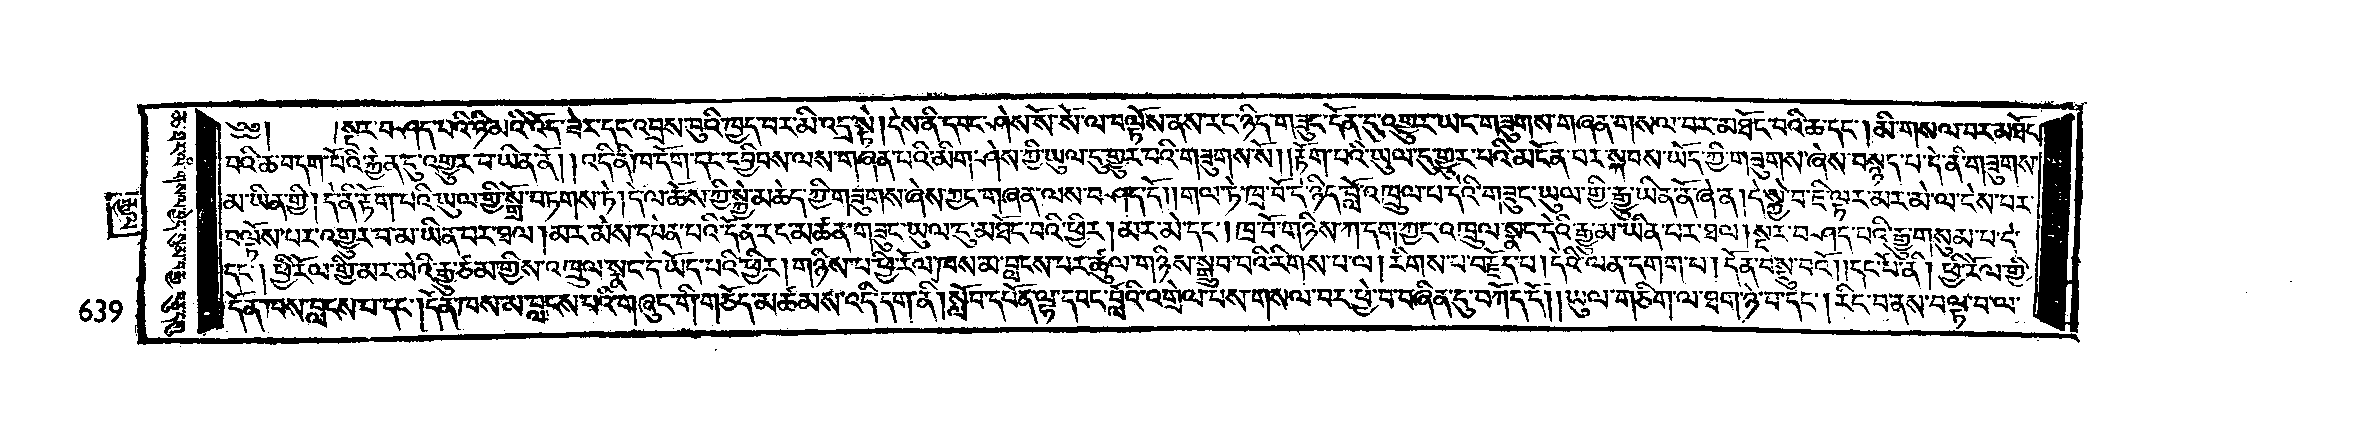༄༅། །སྔར་བཤད་པའི་ཉི་མའི་འོད་ཟེར་དང་འབྲས་བུའི་ཁྱད་པར་མི་འདྲ་སྟེ། དེས་ནི་དབང་ཤེས་སོ་སོ་ལ་བལྟོས་ནས་རང་ཉིད་གཟུང་དོན་དུ་འགྱུར་ཡང་གཟུགས་གཞན་གསལ་བར་མཐོང་བའི་ཆ་དང་། མི་གསལ་བར་མཐོང་
བའི་ཆ་བདག་པོའི་རྐྱེན་དུ་འགྱུར་བ་ཡིན་ནོ། །འདི་ནི་ཁ་དོག་དང་དབྱིབས་ལས་གཞན་པའི་མིག་ཤེས་ཀྱི་ཡུལ་དུ་གྱུར་པའི་གཟུགས་སོ། །རྟོག་པའི་ཡུལ་དུ་གྱུར་པའི་མངོན་པར་སྐབས་ཡོད་ཀྱི་གཟུགས་ཞེས་བསྙད་པ་དེ་ནི་གཟུགས་
མ་ཡིན་གྱི། དེ་ནི་རྟོག་པའི་ཡུལ་གྱི་སྒྲོ་བཏགས་ཏེ། དེ་ལ་ཆོས་ཀྱི་སྐྱེ་མཆེད་ཀྱི་གཟུགས་ཞེས་ཀྱང་གཞན་ལས་བཤད་དོ། །གལ་ཏེ་ཁྲ་བོ་དེ་ཉིད་བློ་འཁྲུལ་པ་དེའི་གཟུང་ཡུལ་གྱི་རྒྱུ་ཡིན་ནོ་ཞེ་ན། དེ་སྐྱེ་བ་ཇི་ལྟར་མར་མེ་ལ་ངེས་པར་
བལྟོས་པར་འགྱུར་བ་མ་ཡིན་པར་ཐལ། མར་མེས་དབེན་པའི་དོན་རང་མཚན་གཟུང་ཡུལ་དུ་མཐོང་བའི་ཕྱིར། མར་མེ་དང་། ཁྲ་བོ་གཉིས་ཀ་དག་ཀྱང་འཁྲུལ་སྣང་དེའི་རྒྱུ་མ་ཡིན་པར་ཐལ། སྔར་བཤད་པའི་རྒྱུ་གསུམ་པ་དེ་
དང་། ཕྱི་རོལ་གྱི་མར་མེའི་རྒྱུ་ཙམ་གྱིས་འཁྲུལ་སྣང་དེ་ཡོད་པའི་ཕྱིར། གཉིས་པ་ཕྱི་རོལ་ཁས་མ་བླངས་པར་ཚུལ་གཉིས་སྒྲུབ་པའི་རིགས་པ་ལ། རིགས་པ་བརྗོད་པ། དེའི་ལན་དགག་པ། དོན་བསྡུ་བའོ། །དང་པོ་ནི། ཕྱི་རོལ་གྱི་
དོན་ཁས་བླངས་པ་དང་། དོན་ཁས་མ་བླངས་པའི་གཞུང་གི་གཅོད་མཚམས་འདི་དག་ནི། སློབ་དཔོན་ལྷ་དབང་བློའི་འགྲེལ་པས་གསལ་བར་ཕྱེ་བ་བཞིན་དུ་བཀོད་དོ། །ཡུལ་གཅིག་ལ་ཐག་ཉེ་བ་དང་། རིང་བ་ནས་བལྟ་བ་ལ་